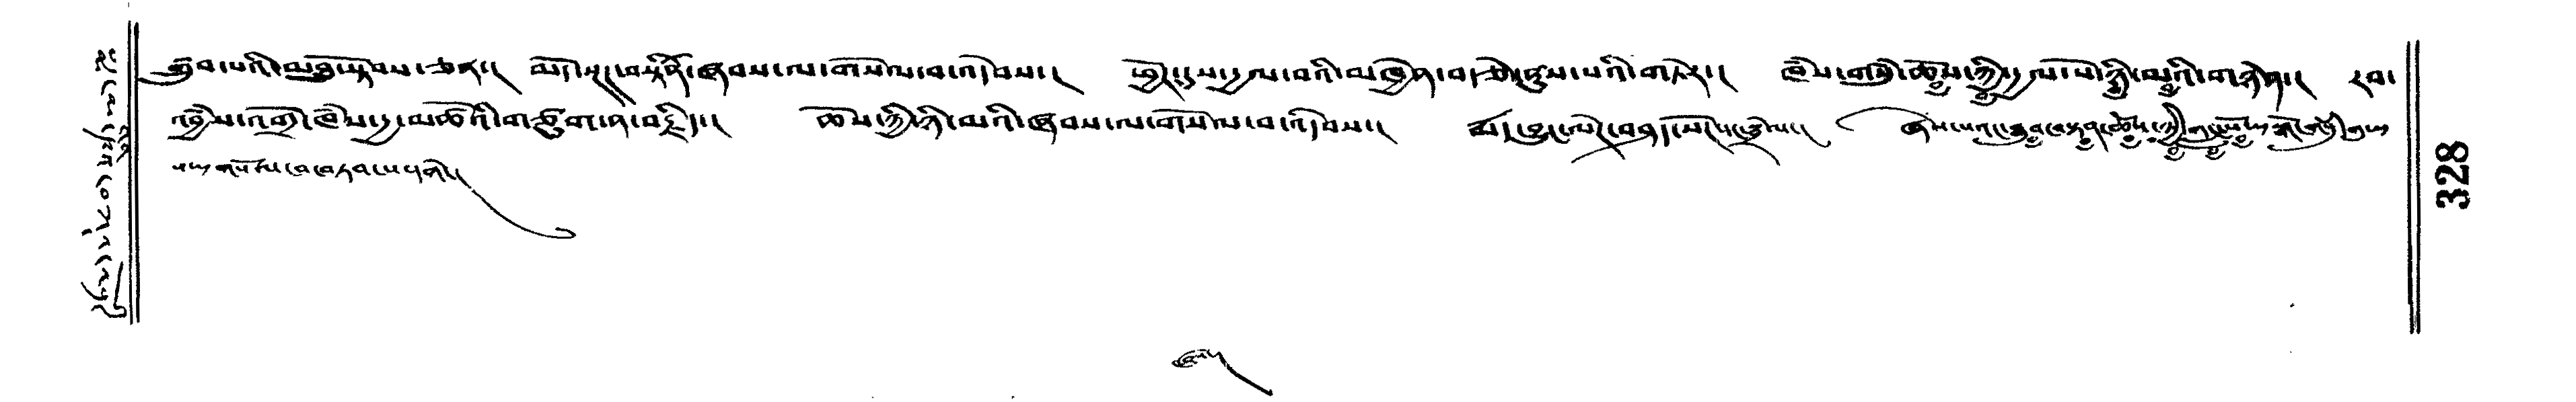སྒྲུབ་པའི་མཐུ་སྟོབས་ཅན། །མདོ་སྔགས་བསྟན་འཛིན་ཞབས་ལ༴ ཕྱོགས་དུས་རྒྱལ་བའི་མཁྱེན་བརྩེ་ནུས་པའི་གཏེར། ཁམས་གསུམ་ཆོས་ཀྱི་རྒྱལ་པོ་ཉི་མའི་གཉེན། །རབ་
འབྱམས་འགྲོ་ཁམས་རྒྱ་མཚོའི་གཙུག་ན་བརྗིད། །ཆོས་ཀྱི་ཉི་མའི་ཞབས་ལ་གསོལ་བ་འདེབས། །རྨད་བྱུང་ལེགས་བཤད༴ སོགས་དང་སྦྲེལ། ཞེས་པའང་ཐུབ་བསྟན་ཆོས་ཀྱི་གླང་པོས་སྒོ་གསུམ་གུས་
པས་གསོལ་བ་བཏབ་པ་དགེ། བཀྲ་ཤིས།།